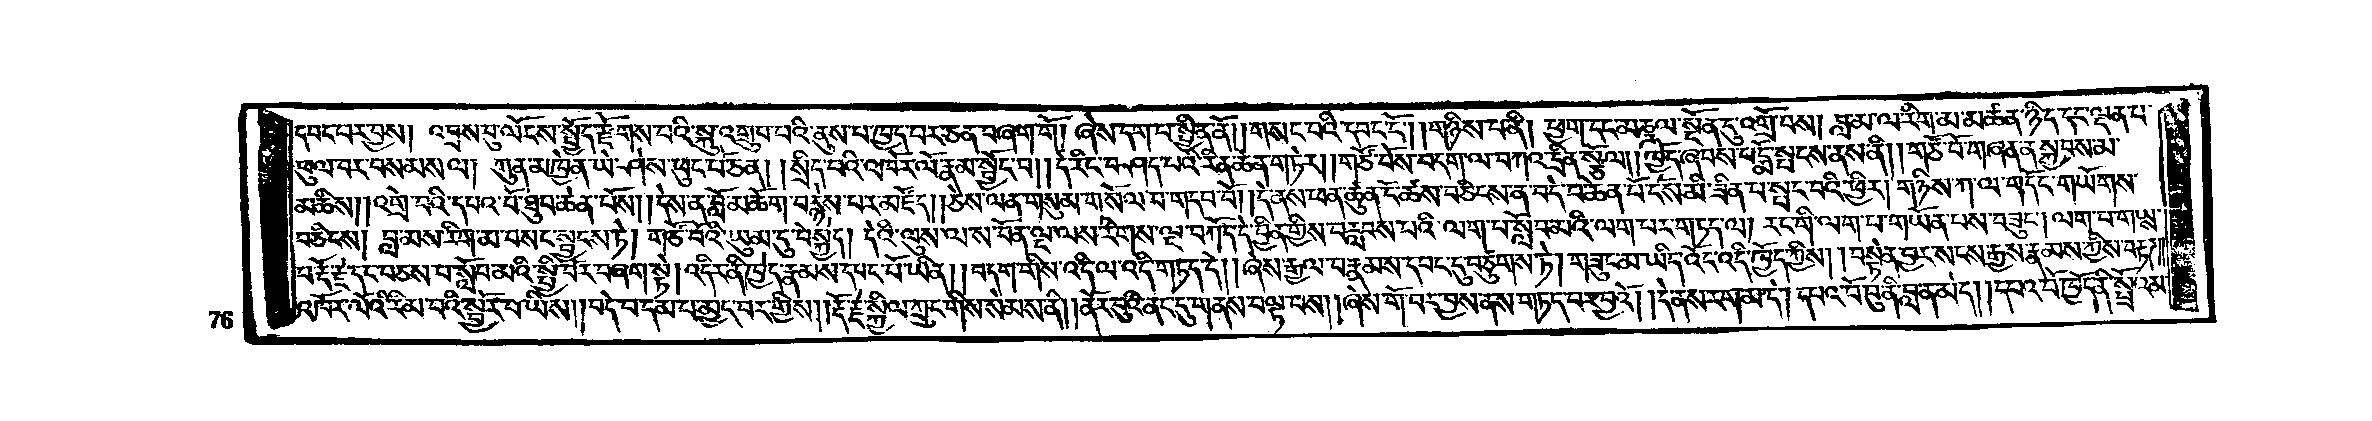དབང་བར་བྱས། འབྲས་བུ་ལོངས་སྤྱོད་རྫོགས་པའི་སྐུ་འགྲུབ་པའི་ནུས་པ་ཁྱད་པར་ཅན་བཞག་གོ །ཞེས་དག་པ་སྦྱིན་ནོ། །གསང་བའི་དབང་ངོ། །གཉིས་པ་ནི། ཕྱག་དང་མཎཌལ་སྔོན་དུ་འགྲོ་བས། བླ་མ་ལ་རིག་མ་མཚན་ཉིད་དང་ལྡན་པ་
ཕུལ་བར་བསམས་ལ། ཀུན་མཁྱེན་ཡེ་ཤེས་ཕུང་པོ་ཅན། །སྲིད་པའི་འཁོར་ལོ་རྣམ་སྦྱོང་བ། །དེ་རིང་བཤད་པའི་རིན་ཆེན་གཏེར། །གཙོ་བོས་བདག་ལ་བཀའ་དྲིན་སྩོལ། །ཁྱོད་ཞབས་པདམོ་སྤངས་ནས་ནི། །གཙོ་བོ་གཞན་ན་སྐྱབས་མ་
མཆིས། །འགྲེ་བའི་དཔའ་བོ་ཐུབ་ཆེན་པོས། །དེས་ན་བློ་མཆོག་བརྙེས་པར་མཛོད། །ཅེས་ལན་གསུམ་གསོལ་བ་གདབ་བོ། །དེ་ནས་ཕན་ཚུན་ངོ་ཚས་བཅིངས་ན་བདེ་བ་ཆེན་པོ་ངོས་མི་ཟིན་པ་སྤང་བའི་ཕྱིར། གཉིས་ཀ་ལ་གདོང་གཡོགས་
བཅིངས། བླ་མས་རིག་མ་བསང་སྦྱངས་ཏེ། གཙོ་བོའི་ཡུམ་དུ་བསྐྱེད། དེའི་ལུས་ལ་ས་བོན་ལྔ་ལས་རིགས་ལྔ་བཀོད་དེ་བྱིན་གྱིས་བརླབས་པའི་ལག་པ་སློབ་མའི་ལག་པར་གཏད་ལ། རང་གི་ལག་པ་གཡོན་པས་བཟུང་། ལག་པ་གཡས་
པ་རྡོ་རྗེ་དང་བཅས་པ་སློབ་མའི་སྤྱི་བོར་བཞག་སྟེ། འདིར་ནི་ཁྱེད་རྣམས་དབང་པོ་ཡིན། །བདག་གིས་འདི་ལ་འདི་གཏད་དེ། །ཞེས་རྒྱལ་བ་རྣམས་དབང་དུ་བཙུགས་ཏེ། གཟུང་མ་ཡིད་འོང་འདི་ཁྱོད་ཀྱིས། །བསྟེན་བྱར་སངས་རྒྱས་རྣམས་ཀྱིས་བརྟགས། །
འཁོར་ལོའི་རིམ་པའི་སྦྱོར་བ་ཡིས། །བདེ་བ་དམ་པ་མྱང་བར་གྱིས། །རྡོ་རྗེ་སྐྱིལ་ཀྲུང་གིས་སེམས་ནི། །ནོར་བུའི་ནང་དུ་གནས་བལྟ་བས། །ཞེས་གོ་བར་བྱས་ནས་གཏད་པར་བྱའོ། །དེ་ནས་རག་མ་དེ། དཔའ་བོ་བུ་ནི་བླ་ན་མེད། དཔའ་བོ་ཁྱོད་ནི་སྤྲོའམ་